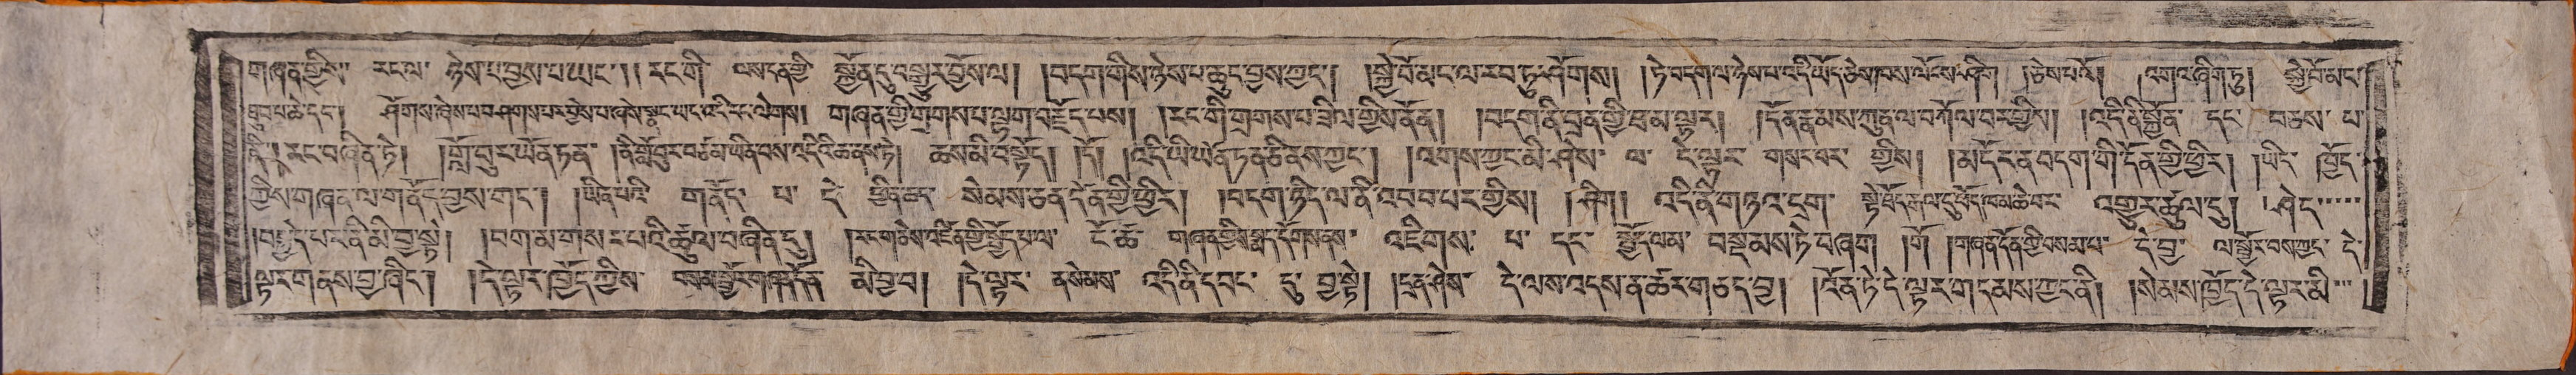གཞན་གྱིས་རང་ལ་ཉེས་པ་བྱས་པ་ཡང་། །རང་གི་ལས་ངན་གྱི་སྐྱོན་དུ་བསྒྱུར་བྱོས་ལ། །བདག་གིས་ཉེས་པ་ཆུང་བྱས་ཀྱང་། །སྐྱེ་བོ་མང་ལ་རབ་ཏུ་ཤོགས། །ཏེ་བདག་ལ་ཉེས་པ་འདི་ཡོད་ཅེས་ཁས་ལོངས་ཤིག །ཅེས་པའོ། །འགའ་ཞིག་ཏུ། སྐྱེ་བོ་མང་
ཐུབ་པ་ཆེ་དང་། ཤོགས་ཞེས་པ་བཤགས་པར་བྱས་པ་ཞེས་སྣང་ཡང་འདི་རང་ལེགས། གཞན་གྱི་གྲགས་པ་ལྷག་བརྗོད་པས། །རང་གི་གྲགས་པ་ཟིལ་གྱིས་ནོན། །བདག་ནི་བྲན་གྱི་ཐ་མ་ལྟར། །དོན་རྣམས་ཀུན་ལ་བཀོལ་བར་གྱིས། །འདི་ནི་སྐྱོན་དང་བཅས་པ་
ནི་རང་བཞིན་ཏེ། །གློ་བུར་ཡོན་ཏན་ནི་གློ་བུར་པ་ཙམ་ཡིན་པས་འདིའི་ཆ་ནས་ཏེ།  ཆས་མི་བསྟོད། །དོ།  །འདི་ཡི་ཡོན་ཏན་ཅི་ནས་ཀྱང་། །འགས་ཀྱང་མི་ཤེས་ལ་དེ་ལྟར་གསང་བར་གྱིས། །མདོར་ན་བདག་གི་དོན་གྱི་ཕྱིར། །ཡིད་ཁྱོད་
ཀྱིས་གཞན་ལ་གནོད་བྱས་གང་། །ཡིན་པའི་གནོད་པ་དེ་ཕྱིན་ཆད་སེམས་ཅན་དོན་གྱི་ཕྱིར། །བདག་ཉིད་ལ་ནི་འབབ་པར་གྱིས། །ཤིག། འདི་ནི་གཉའ་དྲག་སྟེ་ཐོད་རྒྱལ་དུ་ཕོད་ཁམ་ཆེ་བར་འགྱུར་ཚུལ་དུ། །ཤེད་
བསྐྱེད་པར་ནི་མི་བྱ་སྟེ། །བག་མ་གསར་པའི་ཚུལ་བཞིན་དུ། །རང་གཅེས་འཛིན་གྱི་སྤྱོད་པ་ལ་ངོ་ཚ་གཞན་གྱིས་སྨད་དོགས་ནས་འཇིགས་པ་དང་། སྤྱོད་ལམ་བསྡམས་ཏེ་བཞག་།བོ། །གཞན་དོན་གྱི་བསམ་པ་དེ་བྱ་ལ་སྦྱོར་བས་ཀྱང་དེ་
ལྟར་གནས་བྱ་ཞིང་། །དེ་ལྟར་ཁྱོད་ཀྱིས་བསམ་སྦྱོར་གཞན་དོན་མི་བྱ་བ། །དེ་ལྟར་ན་སེམས་འདི་ནི་དབང་དུ་བྱ་སྟེ། །དྲན་ཤེས་དེ་ལས་འདས་ན་ཚར་གཅད་བྱ། །འོན་ཏེ་དེ་ལྟར་གདམས་ཀྱང་ནི། །སེམས་ཁྱོད་དེ་ལྟར་མི་